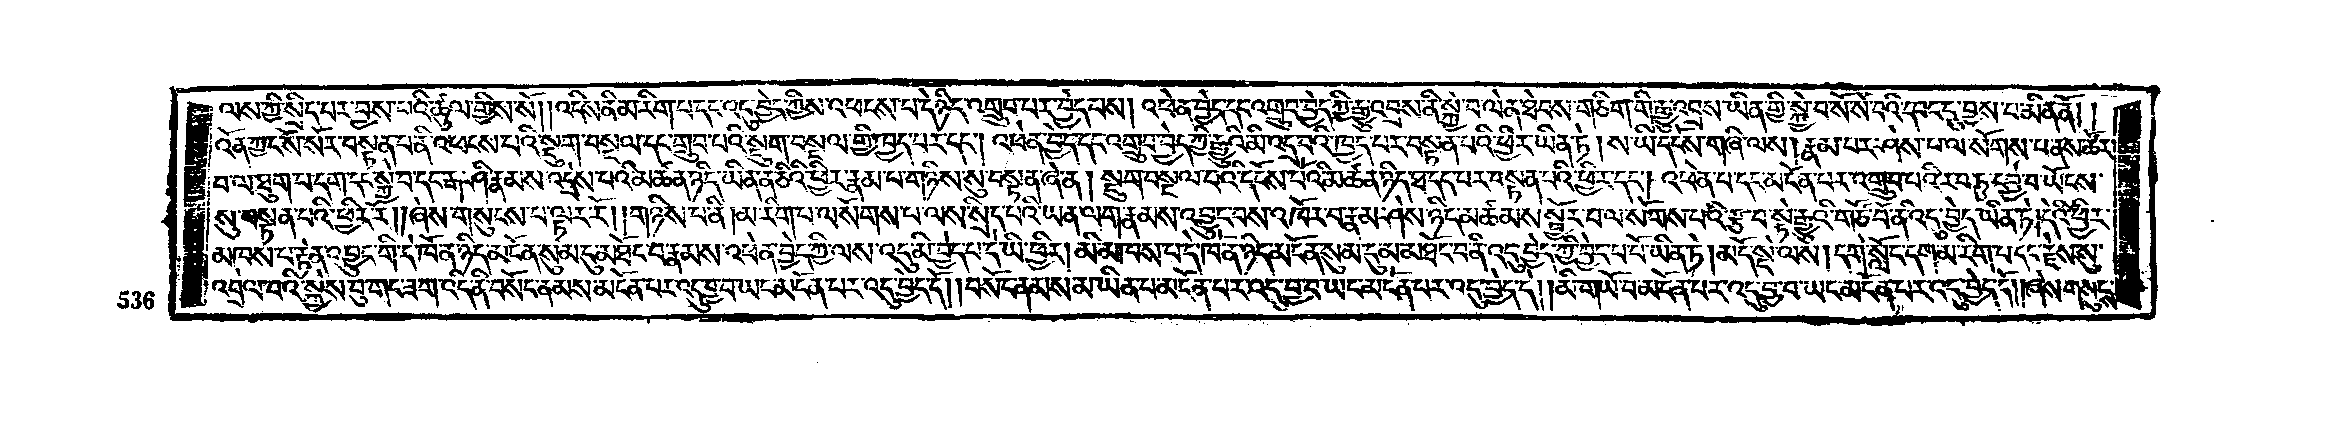ལས་ཀྱི་སྲིད་པར་བྱས་པའི་ཚུལ་གྱིས་སོ། །འདིས་ནི་མ་རིག་པ་དང་འདུ་བྱེད་ཀྱིས་འཕངས་པ་དེ་ཉིད་འགྲུབ་པར་བྱེད་པས། འཕེན་བྱེད་དང་འགྲུབ་བྱེད་ཀྱི་རྒྱུ་འབྲས་ནི་སྐྱེ་བ་ལེན་ཐེབས་གཅིག་གི་རྒྱུ་འབྲས་ཡིན་གྱིས་ཀེ་བ་སོ་སོ་བའི་དབང་དུ་བྱས་པ་མིན་ནོ། །
འོན་ཀྱང་སོ་སོར་བསྟན་པ་ནི་འཕངས་པའི་སྡུག་བསྔལ་དང་གྲུབ་པའི་སྡུག་བསྔལ་གྱི་ཁྱད་པར་དང་། འཕེན་ཡེ་དང་འགྱུར་བྱེད་ཀྱི་རྒྱུ་པའི་འདྲ་བའི་ཁྱད་པ་བསྟན་པའི་ཕཡར་ཡིན་ཏེ། ས་ཡི་དངོས་གཞི་ལས། རྣམ་པར་ཤེས་པ་ལས་སོགས་པ་ནས་ཚོར་
བ་ལ་ཐུག་པ་དག་དང་སྐྱེ་བ་དང་རྒ་ཤི་རྣམས་འདྲེས་པའི་མཚན་ཉིད་ཡིན་ན་ཅིའི་ཕྱིར་རྣམ་པ་གཉིས་སུ་བསྟན་ཞེ་ན། སྡུག་བསྔལ་པའི་དངོས་པོའི་མཚན་ཉིད་ཐད་པ་བསྟན་པའི་ཕྱིར་དང་། འཕེན་པ་དང་མངོན་པོར་འགྲུབ་པའི་རབ་ཏུ་དབྱེ་པ་ཡོངས་
སུ་བསྟན་པའི་ཕྱིར་རོ། །ཞེས་གསུངས་པ་ལྟར་རོ། །གཉིས་པ་ནི་། མ་རིག་པ་ལ་སོགས་པ་ལས་རིད་པའི་ཡན་ལག་རྣམས་འབྱུང་བས་འཁོར་བ་རྣམ་ཤེས་ཉིད་མཚམས་སྦྱར་བ་ལ་སོགས་པའི་རྩ་བ་སྟེ་རྒྱུའི་གཙོ་བོ་ནི་འདུ་བྱེད་ཡིན་ཏེ། དེའི་ཕྱིར་
མཁས་པ་རྟེན་འབྱུང་གི་དེ་ཁོ་ན་ཉིད་མངོན་སུམ་དུ་མཐོང་བ་རྣམས་འཕེན་བྱེད་ཀྱི་ལས་འདུ་མི་བྱེ་པ་དེ་ཡི་ཕྱི། མི་མཁས་པ་དེ་ཁོ་ན་ཉིད་མངོན་སུམ་དུ་མ་མཐོང་བ་ནི་འདུ་བྱེད་ཀྱི་བྱེད་པ་པོ་ཡིན་ཏེ། མདོ་སྡེ་ལས། དགེ་སློང་དག་མ་རིག་པ་དང་རྗེས་སུ་
འབྲེལ་བའི་སྐྱེས་བུ་གང་ཟག་འདི་ནི་བསོད་ནམས་མངོན་པར་འདུ་བྱ་བ་ཡང་མངོན་པར་འདུ་བྱེད་དོ། །བསོད་ནམས་མ་ཡིན་པ་མངོན་པར་འདུ་བྱ་བ་ཡང་མངོན་པར་འདུ་བྱེད་དེ། །མི་གཡོ་བ་མངོན་པར་འདུ་བྱེ་བ་ཡང་མངོན་པར་འདུ་བྱེད་དོ། །ཞེས་གསུངས་